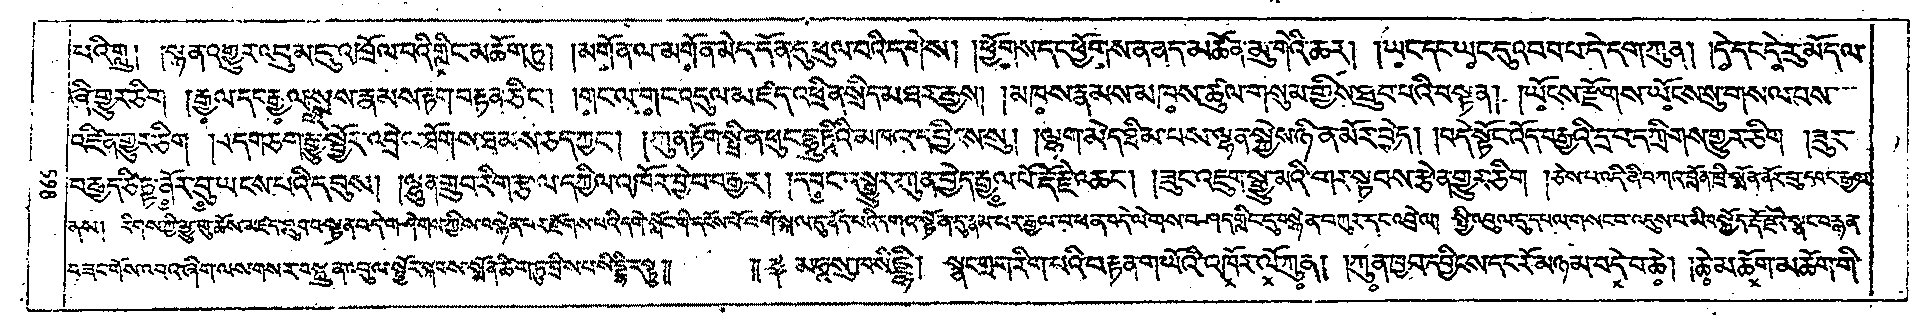པའི་གླུ། །སྙན་འགྱུར་འབུམ་དུ་འཁྲོལ་བའི་གླིང་྾་མཆོག་ཏུ། །མགོན྾་ལ་མགོན྾་མེད་དོན་དུ་ཕུལ་བའི་དགེས། །ཕྱོགས྾་དང་ཕྱོགས྾་ན་ནད་མཚོན་མུ་གེའི་ཆར། །ཡང྾་དང་ཡང྾་དུ་འབབ་པ་དེ་དག་ཀུན། །དེ྾་དང་དེ྾་རུ་མོད་ལ་
ཞི་གྱུར་ཅིག །རྒྱལ྾་དང་རྒྱལ྾་བའི་སྲས་རྣམས་རྟག་བརྟན་ཅིང་། །གང྾་ལ་གང྾་འདུལ་མཛད་འཕྲིན་སྲིད་མཐར་རྒྱས། །མཁས྾་རྣམས་མཁས྾་ཚུལ་གསུམ་གྱིས་ཐུབ་པའི་བསྟན། །ཡོངས྾་རྫོགས་ཡོངས྾་སུ་གསལ་བས་
འཛིན་གྱུར་ཅིག །བདག་ཅག་རྒྱུ་སྦྱོར་འབྲེལ་ཐོགས་ཐམས་ཅད་ཀྱང་། །ཀུན་རྟོག་སྤྲིན་ཕུང་དྷཱུ་ཏཱིའི་མཁའ་དབྱིངས་སུ། །ལྷག་མེད་ཐིམ་པས་ལྷན་སྐྱེས་ཉིན་མོར་བྱེད། །བདེ་སྟོང་འོད་བརྒྱའི་དྲ་བ་དཀྲིགས་གྱུར་ཅིག །ཟུར་
བརྒྱད་ཙིཏྟ་ནོར྾་བུ྾་ཡངས་པའི་དབུས། །ལྷུན་གྲུབ་རིག་རྩལ་དཀྱིལ་འཁོར་བྱེ་བ་བརྒྱར། །དབང྾་བསྒྱུར་ཀུན་བྱེད་རྒྱལ྾་པོ་རྡོ་རྗེ་འཆང་། །ཟུང་འཇུག་སྒྱུ་མའི་གར་སྟབས་རྩེན་གྱུར་ཅིག །ཅེས་པ་འདི་ནི་བཀའ་བློན་ཁྲི་སྨོན་ནོར་བུ་དབང་རྒྱལ་
ནས། རིགས་ཀྱི་མྱུ་གུ་ཆོས་མཛད་ཐུབ་བསྟན་བདེ་གཤེགས་ཀྱིས་བསྙེན་པར་རྫོགས་པའི་དགེ་སློང་གི་དངོས་པོ་བགོ་སྐལ་དུ་ནོད་པའི་དགའ་སྟོན་དུ་རྣམ་པར་རྒྱལ་བ་ཕན་བདེ་ལེགས་བཤད་གླིང་དུ་བསྙེན་བཀུར་དང་འབྲེལ། སྤྱི་འབུལ་དུ་དཔལ་གསང་བ་འདུས་པ་མི་བསྐྱོད་རྡོ་རྗེའི་སྣང་བརྙན་
བཟང་གོས་འབའ་ཞིག་ལས་གསར་བསྐྲུན་འབུལ་སྦྱོར་སྐབས་སྨོན་ཚིག་ཏུ་བྲིས་པ་སིདྡྷི་རསྟུ།། །། ༈ མཧཱ་སུ་ཁ་སིདྡྷི། སྣང་གྲག་རིག་པའི་བརྟན་གཡོའི་འཁོར་྾་ལོ་྾་ཀུན྾། །ཀུན྾་ཁྱབ་དབྱིངས་དང་རོ་མཉམ་བདེ་྾་བ་ཆེ྾། །ཆེ྾་མཆོག་྾་མཆོག་གི་